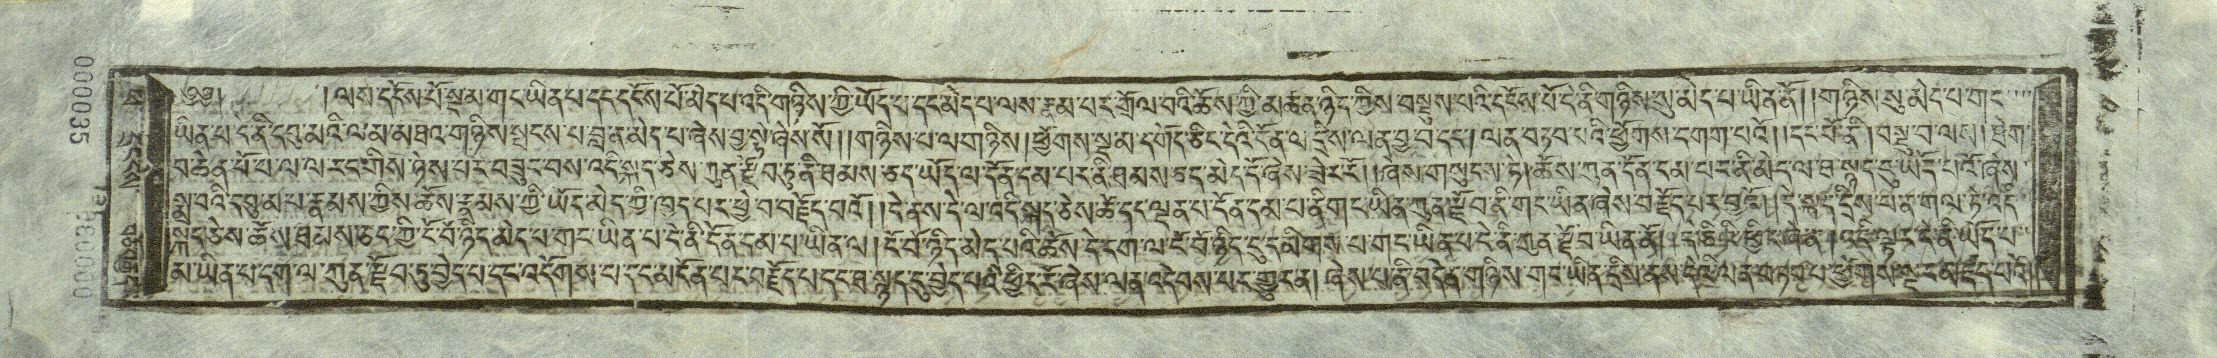༄༅། །ལས་དངོས་པོ་སྔ་མ་གང་ཡིན་པ་དང་དངོས་པོ་མེད་པ་འདི་གཉིས་ཀྱི་ཡོད་པ་དང་མེད་པ་ལས་རྣམ་པར་གྲོལ་བའི་ཆོས་ཀྱི་མཚན་ཉིད་ཀྱིས་བསྡུས་པའི་དངོས་པོ་དེ་ནི་གཉིས་སུ་མེད་པ་ཡིན་ནོ། །གཉིས་སུ་མེད་པ་གང་
ཡིན་པ་དེ་ནི་དབུ་མའི་ལམ་མཐའ་གཉིས་སྤངས་པ་བླ་ན་མེད་པ་ཞེས་བྱ་སྟེ་ཞེས་སོ། །གཉིས་པ་ལ་གཉིས། ཕྱོགས་སྔ་མ་དགོད་ཅིང་དེའི་དོན་ལ་དྲིས་ལན་བྱ་བ་དང་། ལན་བཏབ་པའི་ཕྱོགས་དགག་པའོ། །དང་པོ་ནི། བསྡུ་བ་ལས། ཐེག་
པ་ཆེན་པོ་པ་ལ་ལ་རང་གིས་ཉེས་པར་བཟུང་བས་འདི་སྐད་ཅེས་ཀུན་རྫོབ་ཏུ་ནི་ཐམས་ཅད་ཡོད་ལ་དོན་དམ་པར་ནི་ཐམས་ཅད་མེད་དོ་ཞེས་ཟེར་རོ། །ཞེས་གསུངས་ཏེ། ཆོས་ཀུན་དོན་དམ་པར་ནི་མེད་ལ་ཐ་སྙད་དུ་ཡོད་པའོ་ཞེས་
སྨྲ་བའི་དབུ་མ་པ་རྣམས་ཀྱིས་ཆོས་རྣམས་ཀྱི་ཡོད་མེད་ཀྱི་ཁྱད་པར་ཕྱེ་བ་བརྗོད་པའོ། །དེ་ནས་དེ་ལ་འདི་སྐད་ཅེས་ཚེ་དང་ལྡན་པ་དོན་དམ་པ་ནི་གང་ཡིན་ཀུན་རྫོབ་ནི་གང་ཡིན་ཞེས་བརྗོད་པར་བྱའོ། །དེ་སྐད་དྲིས་པ་ན་གལ་ཏེ་འདི་
སྐད་ཅེས་ཆོས་ཐམས་ཅད་ཀྱི་ངོ་བོ་ཉིད་མེད་པ་གང་ཡིན་པ་དེ་ནི་དོན་དམ་པ་ཡིན་ལ། ངོ་བོ་ཉིད་མེད་པའི་ཆོས་དེ་དག་ལ་ངོ་བོ་ཉིད་དུ་དམིགས་པ་གང་ཡིན་པ་དེ་ནི་ཀུན་རྫོབ་ཡིན་ནོ། །དེ་ཅིའི་ཕྱིར་ཞེ་ན། འདི་ལྟར་དེ་ནི་ཡོད་པ་
མ་ཡིན་པ་དག་ལ་ཀུན་རྫོབ་ཏུ་བྱེད་པ་དང་འདོགས་པ་དང་མངོན་པར་བརྗོད་པ་དང་ཐ་སྙད་དུ་བྱེད་པའི་ཕྱིར་རོ་ཞེས་ལན་འདེབས་པར་གྱུར་ན། ཞེས་པ་ནི་བདེན་གཉིས་གང་ཡིན་དྲིས་ནས་དེའི་ལན་བཏབ་པ་ཕྱོགས་སྔར་མཛད་པའོ།།